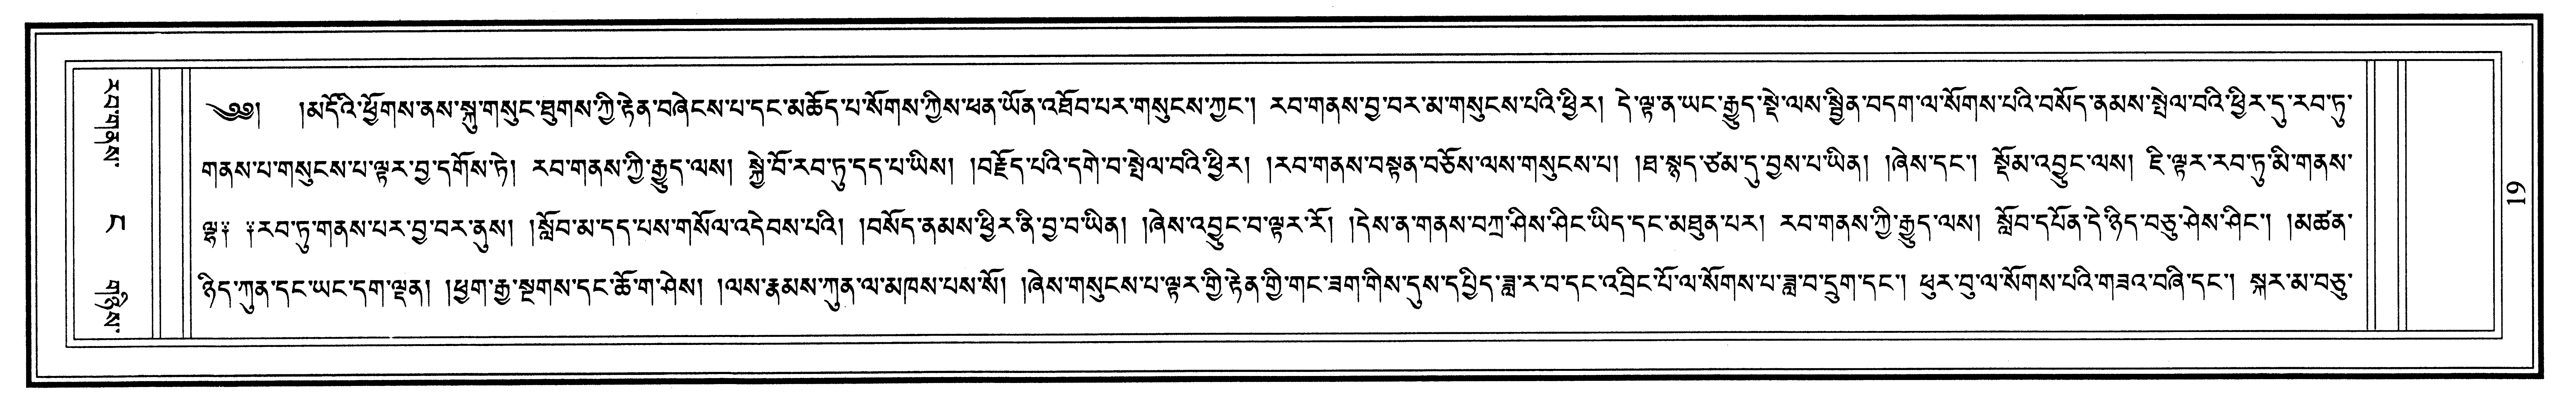༄༅། །མདོའི་ཕྱོགས་ནས་སྐུ་གསུང་ཐུགས་ཀྱི་རྟེན་བཞེངས་པ་དང་མཆོད་པ་སོགས་ཀྱིས་ཕན་ཡོན་འཐོབ་པར་གསུངས་ཀྱང་། རབ་གནས་བྱ་བར་མ་གསུངས་པའི་ཕྱིར། དེ་ལྟ་ན་ཡང་རྒྱུད་སྡེ་ལས་སྦྱིན་བདག་ལ་སོགས་པའི་བསོད་ནམས་སྤེལ་བའི་ཕྱིར་དུ་རབ་ཏུ་
གནས་པ་གསུངས་པ་ལྟར་བྱ་དགོས་ཏེ། རབ་གནས་ཀྱི་རྒྱུད་ལས། སྐྱེ་བོ་རབ་ཏུ་དད་པ་ཡིས། །བརྗོད་པའི་དགེ་བ་སྤེལ་བའི་ཕྱིར། །རབ་གནས་བསྟན་བཅོས་ལས་གསུངས་པ། །ཐ་སྙད་ཙམ་དུ་བྱས་པ་ཡིན། །ཞེས་དང་། སྡོམ་འབྱུང་ལས། །ཇི་ལྟར་རབ་ཏུ་མི་གནས་
ལྷ༑ ༑རབ་ཏུ་གནས་པར་བྱ་བར་ནུས། །སློབ་མ་དད་པས་གསོལ་འདེབས་པའི། །བསོད་ནམས་ཕྱིར་ནི་བྱ་བ་ཡིན། །ཞེས་འབྱུང་བ་ལྟར་རོ། །དེས་ན་གནས་བཀྲ་ཤིས་ཤིང་ཡིད་དང་མཐུན་པར། རབ་གནས་ཀྱི་རྒྱུད་ལས། སློབ་དཔོན་དེ་ཉིད་བཅུ་ཤེས་ཤིང་། །མཚན་
ཉིད་ཀུན་དང་ཡང་དག་ལྡན། །ཕྱག་རྒྱ་སྔགས་དང་ཆོ་ག་ཤེས། །ལས་རྣམས་ཀུན་ལ་མཁས་པས་སོ། །ཞེས་གསུངས་པ་ལྟར་གྱི་རྟེན་གྱི་གང་ཟག་གིས་དུས་དཔྱིད་ཟླ་ར་བ་དང་འབྲིང་པོ་ལ་སོགས་པ་ཟླ་བ་དྲུག་དང་། ཕུར་བུ་ལ་སོགས་པའི་གཟའ་བཞི་དང་། སྐར་མ་བཅུ་